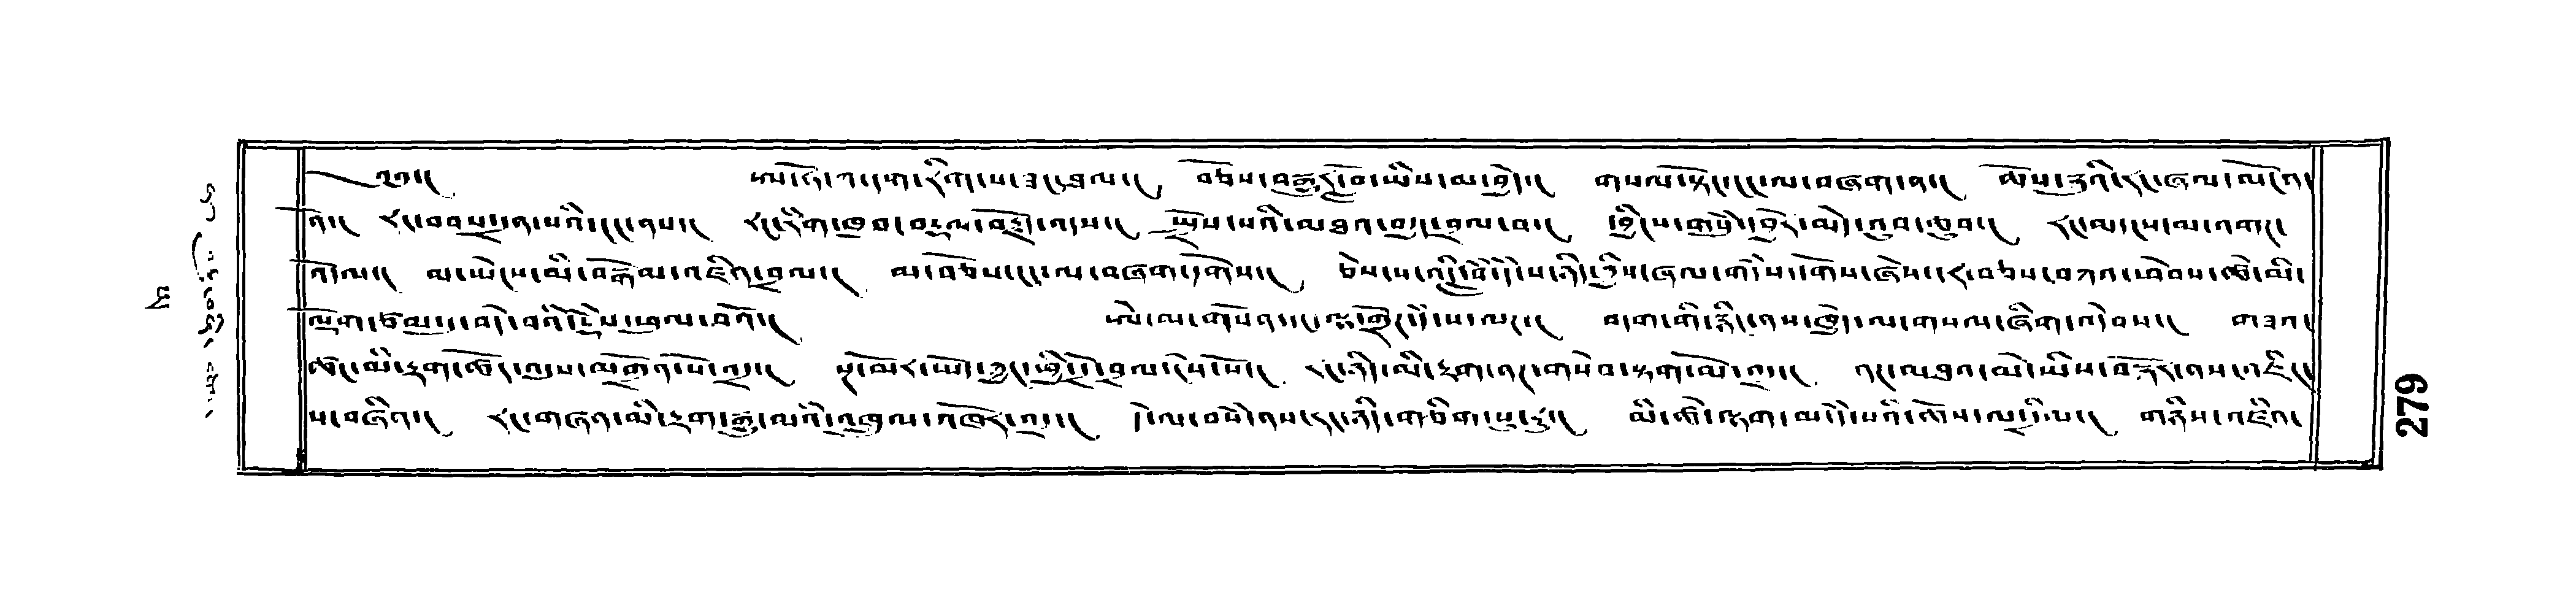ཨ་ཧོ་ཀ་དག་རིག་པ་ཟང་ཐལ། །བཅོས་བསྒྱུར་བློ་ཡིས་མ་བྱེད། །གསལ་སྟོང་ངང་ལ་བཞག་ན། །ཆོས་སྐུའི་རང་ཞལ་མངོན་
ནོ། །རང་བབས་དྲན་པའི་ངང་ནས། །རང་རིག་ཁྱབ་བརྡལ་བརྗོད་འདས། །སྤྲོས་པའི་མཐའ་བརྒྱད་བྲལ་བ། །དབྱིངས་གསུམ་དབྱེར་མེད་འུབ་ཆུབ། །རང་མདངས་མ་འགགས་
འོད་གསལ། །མ་ཡེངས་མི་བསྒོམ་འཛིན་བྲལ། །མ་བཅོས་ངང་ལ་བཞག་དགོས།ཅེས་པ་འདི་བླ་མ་དམ་པ་ཉིད་ཀྱིས་ཞལ་གདམས་དགོས་ཞེས་དར་བཅས་བཀའ་ཕེབས་ཚེ་མི་
ལྡོག་ཙམ་དུ་བདེ་བའི་རྡོ་རྗེས་ཕུལ་བའོ།། ཨེ་མ་གསོན་དང་ལྷ་གྲོགས་དམ་པ་ལགས། །བདག་གི་སྙིང་ནས་ཁྱེད་ལ་གསལ་ཞིག་འདེབས། །བཟའ་
ཚང་མི་རྟག་ཚོང་འདུས་མགྲོན་པོ་འདྲ། །སྔ་མོར་ཡོད་ཀྱང་ཕྱི་དྲོ་བྲལ་ངེས་སོ། །རང་ཉིད་མི་རྟག་ནགས་གསེབ་སྟག་མོ་འདྲ། །ནགས་མཐའ་མེ་ཡིས་བསྐོར་ནས་འཇིགས་
པ་བཞིན། །རང་གཞན་མི་རྟག་སྒྱུ་མའི་འཁྲུལ་འཁོར་འདྲ། །དེ་ལ་བསམ་ནས་རང་ཉིད་གཅིག་པུ་རུ། །མི་ཚེ་ལྷག་མ་དམ་པའི་ཆོས་ལ་དྲིལ། །གཉིས་འཛིན་